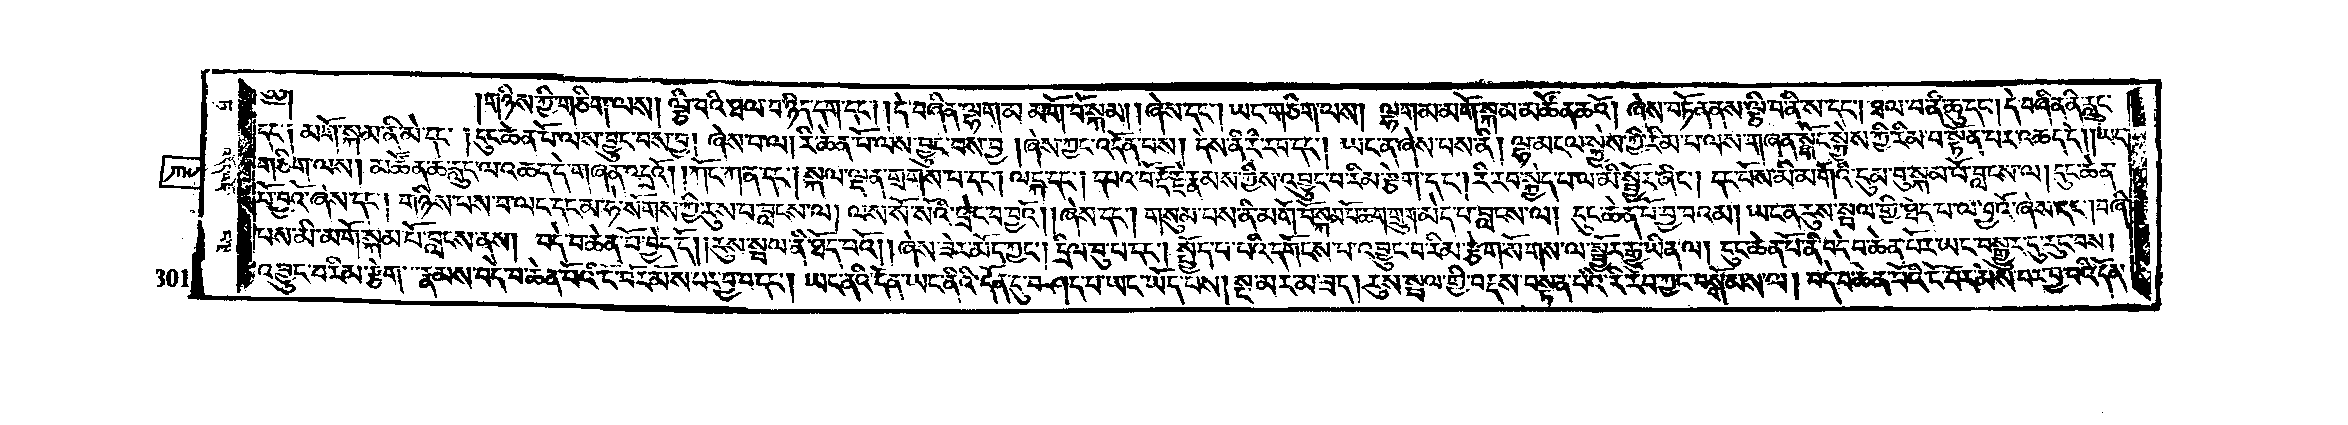༄༅། །གཉིས་ཀྱི་གཅིག་ལས། ལྕི་བའི་ཐལ་བ་ཉིད་དག་དང་། །དེ་བཞིན་ལྷག་མ་མགོ་བོ་སྐམ། །ཞེས་དང་། ཡང་གཅིག་ལས། ལྷག་མ་མགོ་སྐམ་མཚོན་ཆའོ། ཞེས་བཏོན་ནས་ལྕི་བ་ནི་ས་དང་། ཐལ་བ་ནི་ཆུ་དང་། དེ་བཞིན་ནི་རླུང་
དང་། མགོ་སྐམ་ནི་མེ་དང་། དུང་ཆེན་པོ་ལས་བྱུང་བས་བྱ། ཞེས་པ་ལ། རི་ཆེན་པོ་ལས་བྱུང་བས་བྱ། ཞེས་ཀྱང་འདོན་པས། དེས་ནི་རི་རབ་དང་། ཡང་ན་ཞེས་པས་ནི། ལྷ་མངལ་སྐྱེས་ཀྱི་རིམ་པ་ལས་གཞན་སྒོང་སྐྱེས་ཀྱི་རིམ་པ་སྟོན་པར་འཆད་དེ། །ཡང་
གཅིག་ལས། མཚོན་ཆ་རླུང་ལ་འཆད་དེ་གཞན་འདྲའོ། །ཀོང་ཀ་ན་དང་། སྐལ་ལྡན་གྲགས་པ་དང་། ལངྐ་དང་། དཔའ་བོ་རྡོ་རྗེ་རྣམས་ཀྱིས་འབྱུང་བ་རིམ་རྩེག་དང་། རི་རབ་སྐྱེད་པ་ལ་མི་སྦྱོར་ཞིང་། དང་པོས་མི་མགོའི་དུམ་བུ་སྐམ་པོ་བླངས་ལ། དུང་ཆེན་
པོ་བྱའོ་ཞེས་དང་། གཉིས་པས་བ་ལང་དང་མ་ཧེ་སོགས་ཀྱི་རུས་པ་བླངས་ལ། ལས་སོ་སོའི་ཕྲེང་བ་བྱའོ། །ཞེས་དང་། གསུམ་པས་ནི་མགོ་བོ་སྐམ་པོ་ཆག་གྲུག་མེད་པ་བླངས་ལ། དུང་ཆེན་པོ་བྱ་བའམ། ཡང་ན་རུས་སྦལ་གྱི་ཐོད་པ་ལ་བྱའོ་ཞེས་དང་། བཞི་
པས་མི་མགོ་སྐམ་པོ་བླངས་ནས། བདེ་བ་ཆེན་པོ་བྱེད་དོ། །རུས་སྦལ་ནི་ཐོད་པའོ། །ཞེས་ཟེར་མོད་ཀྱང་། དྲིལ་བུ་པ་དང་། སྤྱོད་པ་པའི་དགོངས་པ་འབྱུང་བ་རིམ་རྩེག་སོགས་ལ་སྦྱོར་རྒྱུ་ཡིན་ལ། དུང་ཆེན་པོ་ནི་བདེ་བ་ཆེན་པོར་ཡང་བསྒྱུར་དུ་རུང་བས།
འབྱུང་བ་རིམ་རྩེག་རྣམས་བདེ་བ་ཆེན་པོའི་ངོ་བོར་མོས་པར་བྱ་བ་དང་། ཡང་ནའི་དོན་ཡང་ནིའི་དོན་དུ་བཤད་པ་ཡང་ཡོད་པས། སྔ་མར་མ་ཟད། རུས་སྦལ་གྱི་བརྡས་བསྟན་པའི་རི་རབ་ཀྱང་བསྒོམས་ལ། བདེ་བ་ཆེན་པོའི་ངོ་བོར་མེས་པར་བྱ་བའི་དོན་